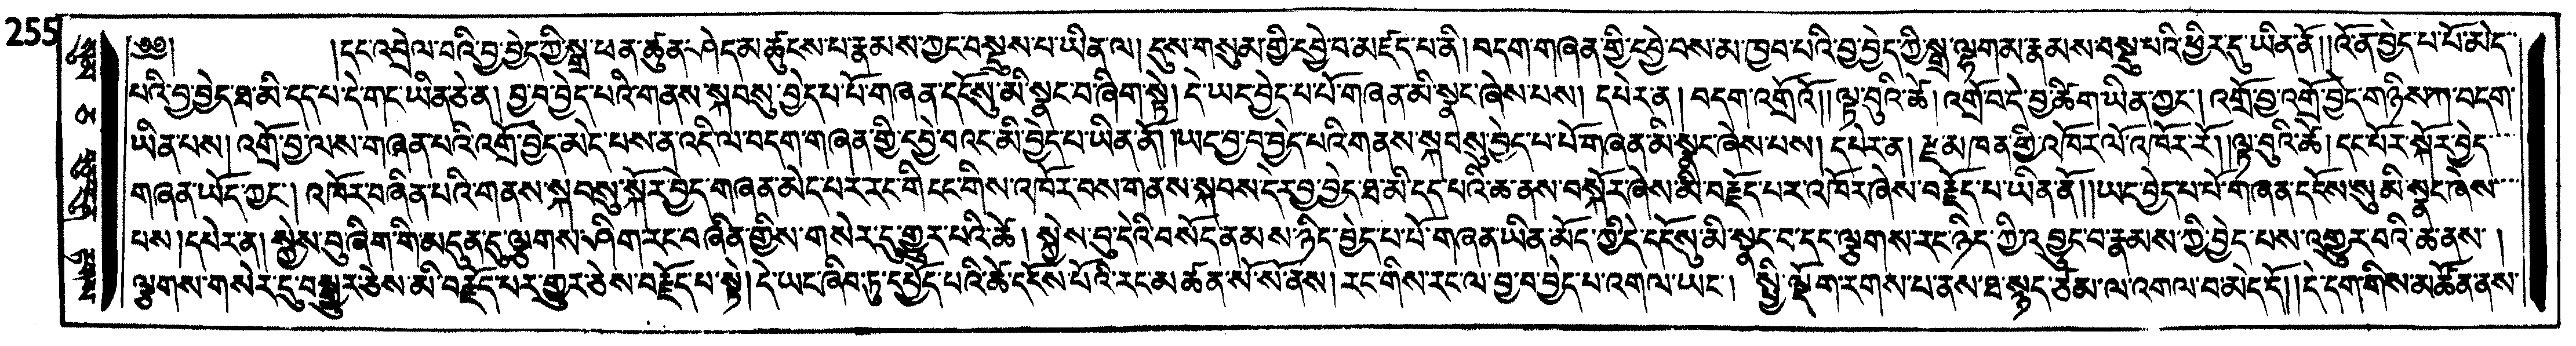༄༅། །དང་འབྲེལ་བའི་བྱ་བྱེད་ཀྱི་སྒྲ་ཕན་ཚུན་ཤེད་མཚུངས་པ་རྣམས་ཀྱང་བསྡུས་པ་ཡིན་ལ། དུས་གསུམ་གྱི་དབྱེ་བ་མཛད་པ་ནི། བདག་གཞན་གྱི་དབྱེ་བས་མ་ཁྱབ་པའི་བྱ་བྱེད་ཀྱི་སྒྲ་ལྷག་མ་རྣམས་བསྡུ་པའི་ཕྱིར་དུ་ཡིན་ནོ། །འོ་ན་བྱེད་པ་པོ་མེད་
པའི་བྱ་བྱེད་ཐ་མི་དད་པ་དེ་གང་ཡིན་ཅེ་ན། བྱ་བ་བྱེད་པའི་གནས་སྐབསུ་བྱེད་པ་པོ་གཞན་དངོསུ་མི་སྣང་བ་ཞིག་སྟེ། དེ་ཡང་བྱེད་པ་པོ་གཞན་མི་སྣང་ཞེས་པས། དཔེར་ན། བདག་འགྲོའོ། །ལྟ་བུའི་ཚེ། འགྲོ་བ་དེ་བྱ་ཚིག་ཡིན་ཀྱང་། འགྲོ་བྱ་འགྲོ་བྱེད་གཉིས་ཀ་བདག་
ཡིན་པས། འགྲོ་བྱ་ལས་གཞན་པའི་འགྲོ་བྱེད་མེད་པས་ན་འདི་ལ་བདག་གཞན་གྱི་དབྱེ་བའང་མི་བྱེད་པ་ཡིན་ནོ། །ཡང་བྱ་བ་བྱེད་པའི་གནས་སྐབསུ་བྱེད་པ་པོ་གཞན་མི་སྣང་ཞེས་པས། དཔེར་ན། རྫ་མཁན་གྱི་འཁོར་ལོ་འཁོར་རོ། །ལྟ་བུའི་ཚེ། དང་པོར་སྐོར་བྱེད་
གཞན་ཡོད་ཀྱང་། འཁོར་བཞིན་པའི་གནས་སྐབསུ་སྐོར་བྱེད་གཞན་མེད་པར་རང་གི་ངང་གིས་འཁོར་བས་གནས་སྐབས་དེར་བྱ་བྱེད་ཐ་མི་དད་པའི་ཆ་ནས་བསྐོར་ཞེས་མི་བརྗོད་པར་འཁོར་ཞེས་བརྗོད་པ་ཡིན་ནོ། །ཡང་བྱེད་པ་པོ་གཞན་དངོས་སུ་མི་སྣང་ཞེས་
པས། དཔེར་ན། སྐྱེས་བུ་ཞིག་གི་མདུན་དུ་ལྕགས་ཤིག་རང་བཞིན་གྱིས་གསེར་དུ་གྱུར་པའི་ཚེ། སྐྱེས་བུ་དེའི་བསོད་ནམས་ཉིད་བྱེད་པ་པོ་གཞན་ཡིན་མོད་ཀྱི་དེ་དངོསུ་མི་སྣང་བ་དང་ལྕགས་རང་ཉིད་ཀྱི་འབྱུང་བ་རྣམས་ཀྱི་བྱེད་པས་འགྱུར་བའི་ཆ་ནས།
ལྕགས་གསེར་དུ་བསྒྱུར་ཅེས་མི་བརྗོད་པར་གྱུར་ཅེས་བརྗོད་པ་སྟེ། དེ་ཡང་ཞིབ་ཏུ་དཔྱོད་པའི་ཚེ་དངོས་པོའི་རང་མཚན་སོ་སོ་ནས། རང་གིས་རང་ལ་བྱ་བ་བྱེད་པ་འགལ་ཡང་། སྤྱི་ལྡོག་རགས་པ་ནས་ཐ་སྙད་ཙམ་ལ་འགལ་བ་མེད་དོ། །དེ་དག་གིས་མཚོན་ནས་